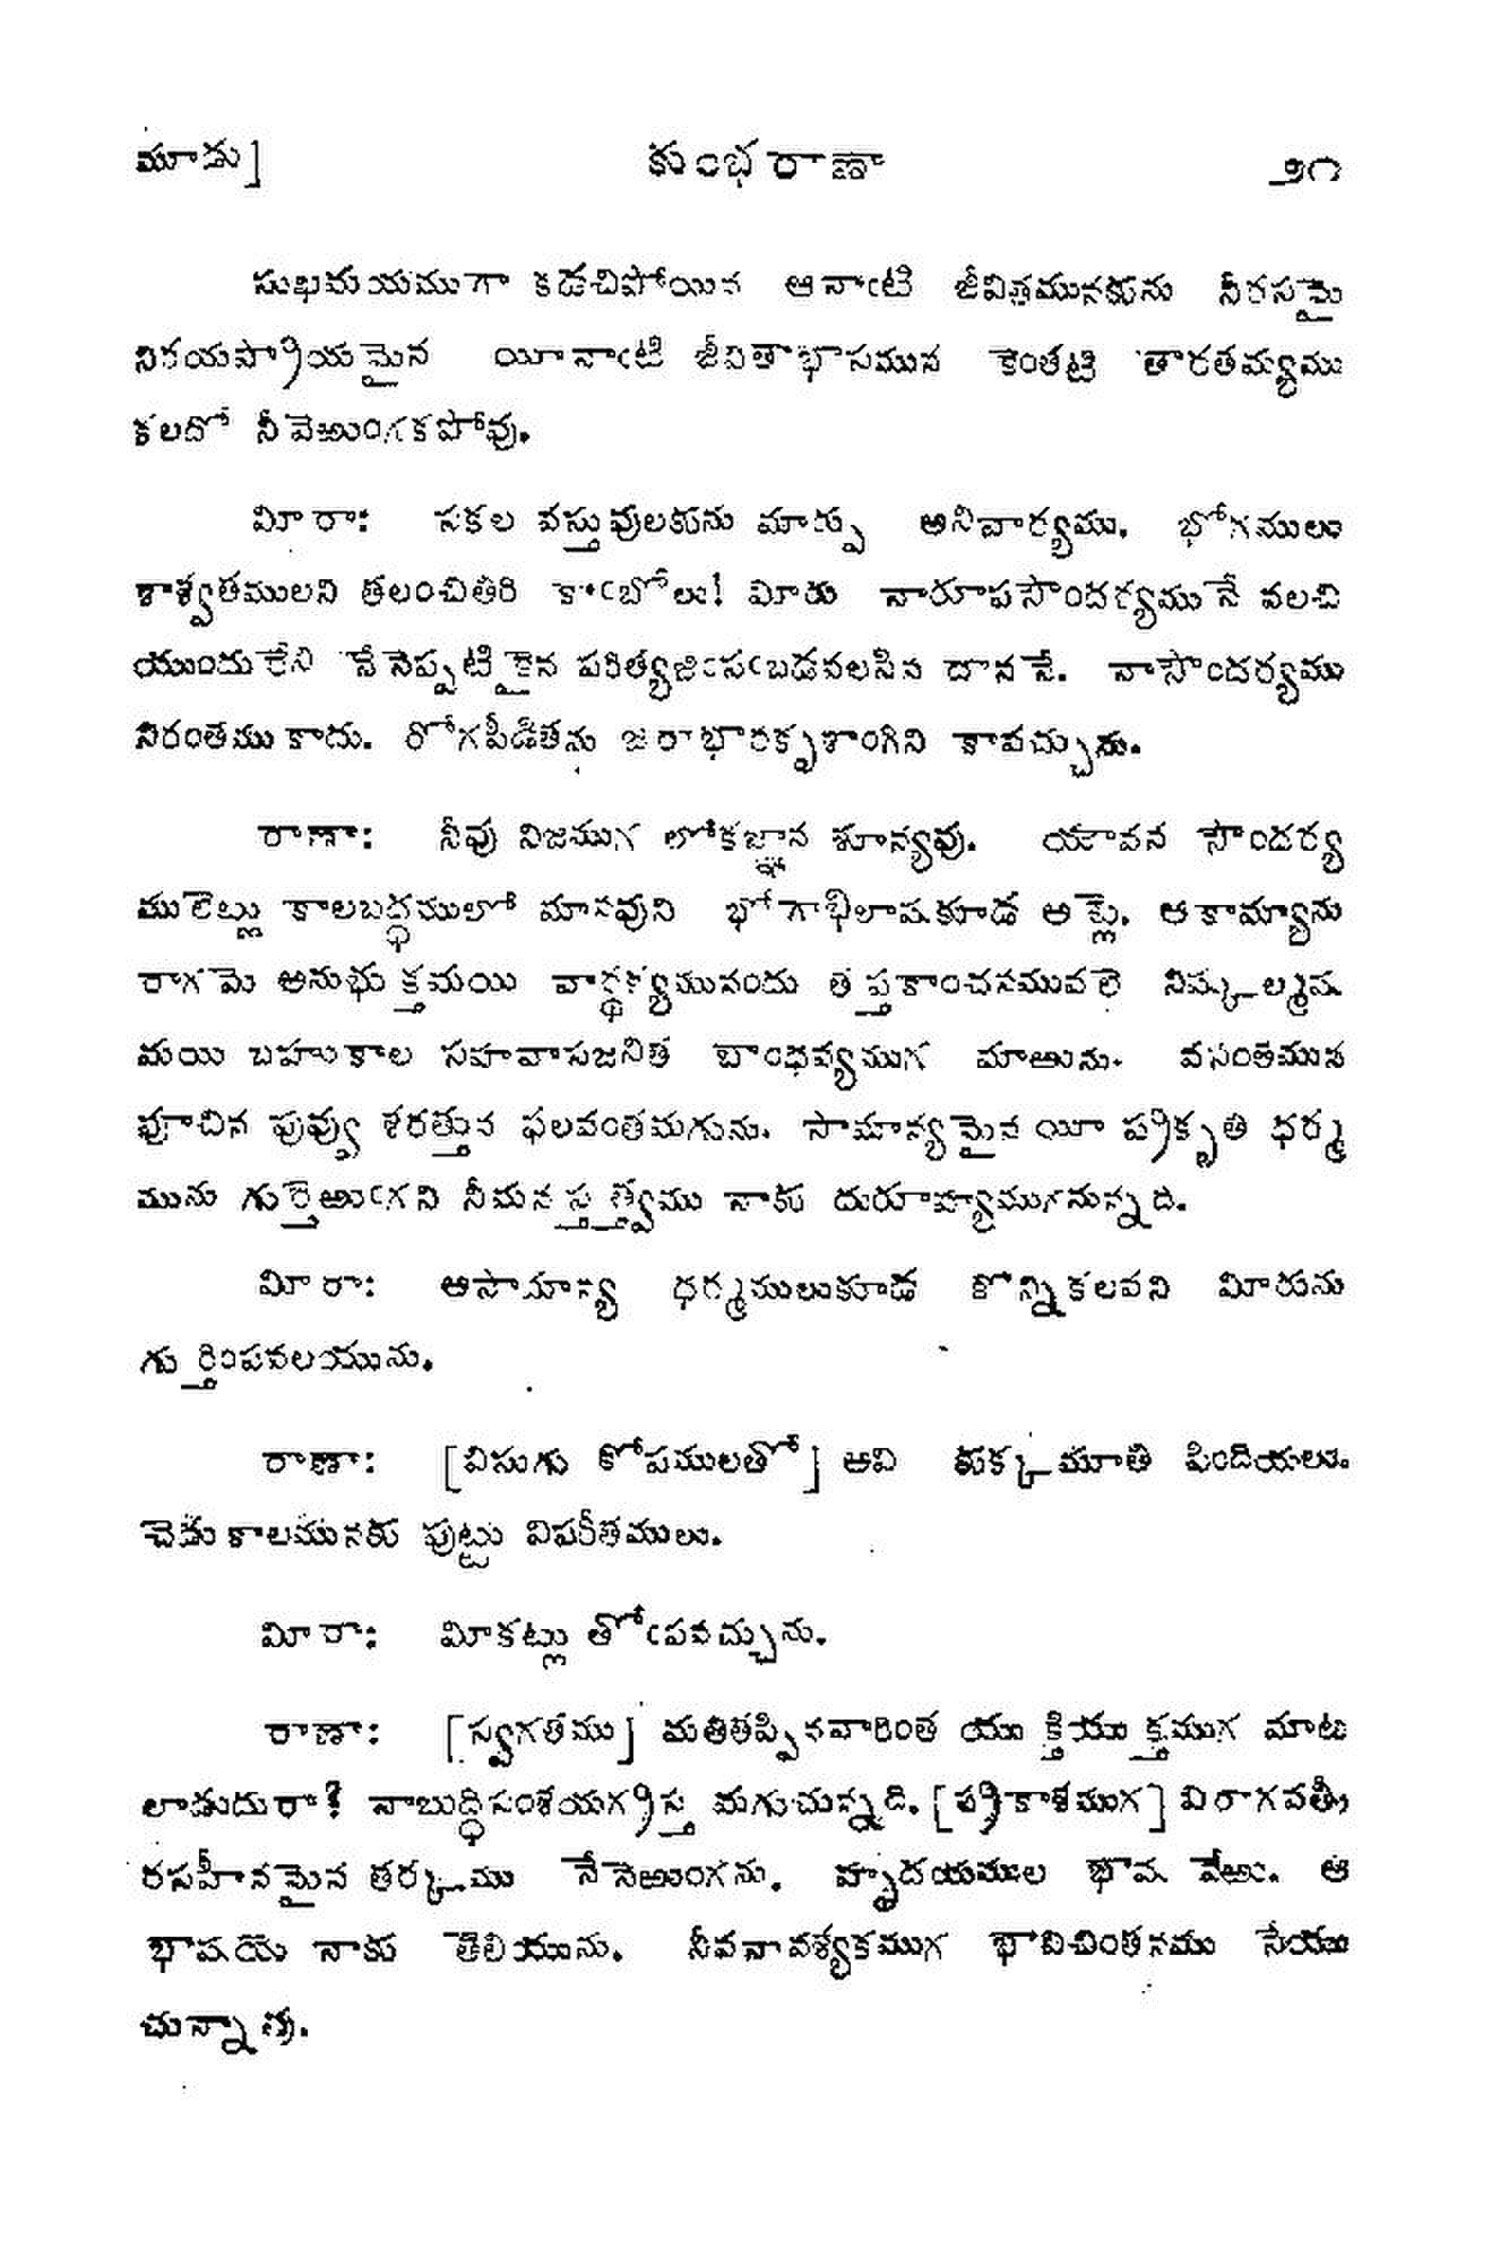సుఖమయముగా కడచిపోయిన ఆనాఁటి జీవితమునకును నీరసమై నిరయప్రాయమైన యీనాఁటి జీవితాభాసమున కెంతటి తారతమ్యము కలదో నీవెఱుంగకపోవు.

మీరా : సకల వస్తువులకును మార్పు అనివార్యము. భోగములు శాశ్వతములని తలంచితిరి కాఁబోలు ! మీరు నారూపసౌందర్యమునే వలచియుందురేని నేనెప్పటికైన పరిత్యజింపఁబడవలసిన దాననే. నాసౌందర్యము నిరంతము కాదు. రోగపీడితను జరాభారకృశాంగిని కావచ్చును.

రాణా : నీవు నిజముగ లోకజ్ఞాన శూన్యవు. యౌవన సౌందర్యములెట్లు కాలబద్ధములో మానవును భోగాభిలాషకూడ అట్లె. ఆకామ్యానురాగమె అనుభుక్తమయి వార్థక్యమునందు తప్తకాంచనమువలె నిష్కల్మష మయి బహుకాల సహవాసజనిత బాంధవ్యముగ మాఱును. వసంతమున పూచిన పువ్వు శరత్తున ఫలవంతమగును. సామాన్యమైన యీ ప్రకృతి ధర్మమును గుర్తెఱుఁగని నీమనస్తత్త్వము నాకు దురూహ్యముగనున్నది.

మీరా : అసామాన్య ధర్మములుకూడ. కొన్నికలవని మీరును గుర్తింపవలయును.

రాణా : [విసుగు కోపములతో] అవి కుక్కమూతి పిందియలు. చెడుకాలమునకు పుట్టు విపరీతములు.

మీరా : మీకట్లు తోఁపవచ్చును.

రాణా : [స్వగతము] మతితప్పినవారింత యుక్తియుక్తముగ మాటలాడుదురా ? నాబుద్ధిసంశయగ్రస్త మగుచున్నది. [ప్రకాశముగ] విరాగవతీ, రసహీనమైన తర్కము నేనెఱుంగను. హృదయముల భాష వేఱు. ఆ భాషయె నాకు తెలియును. నీవనావశ్యకముగ భావిచింతనము సేయు చున్నావు.